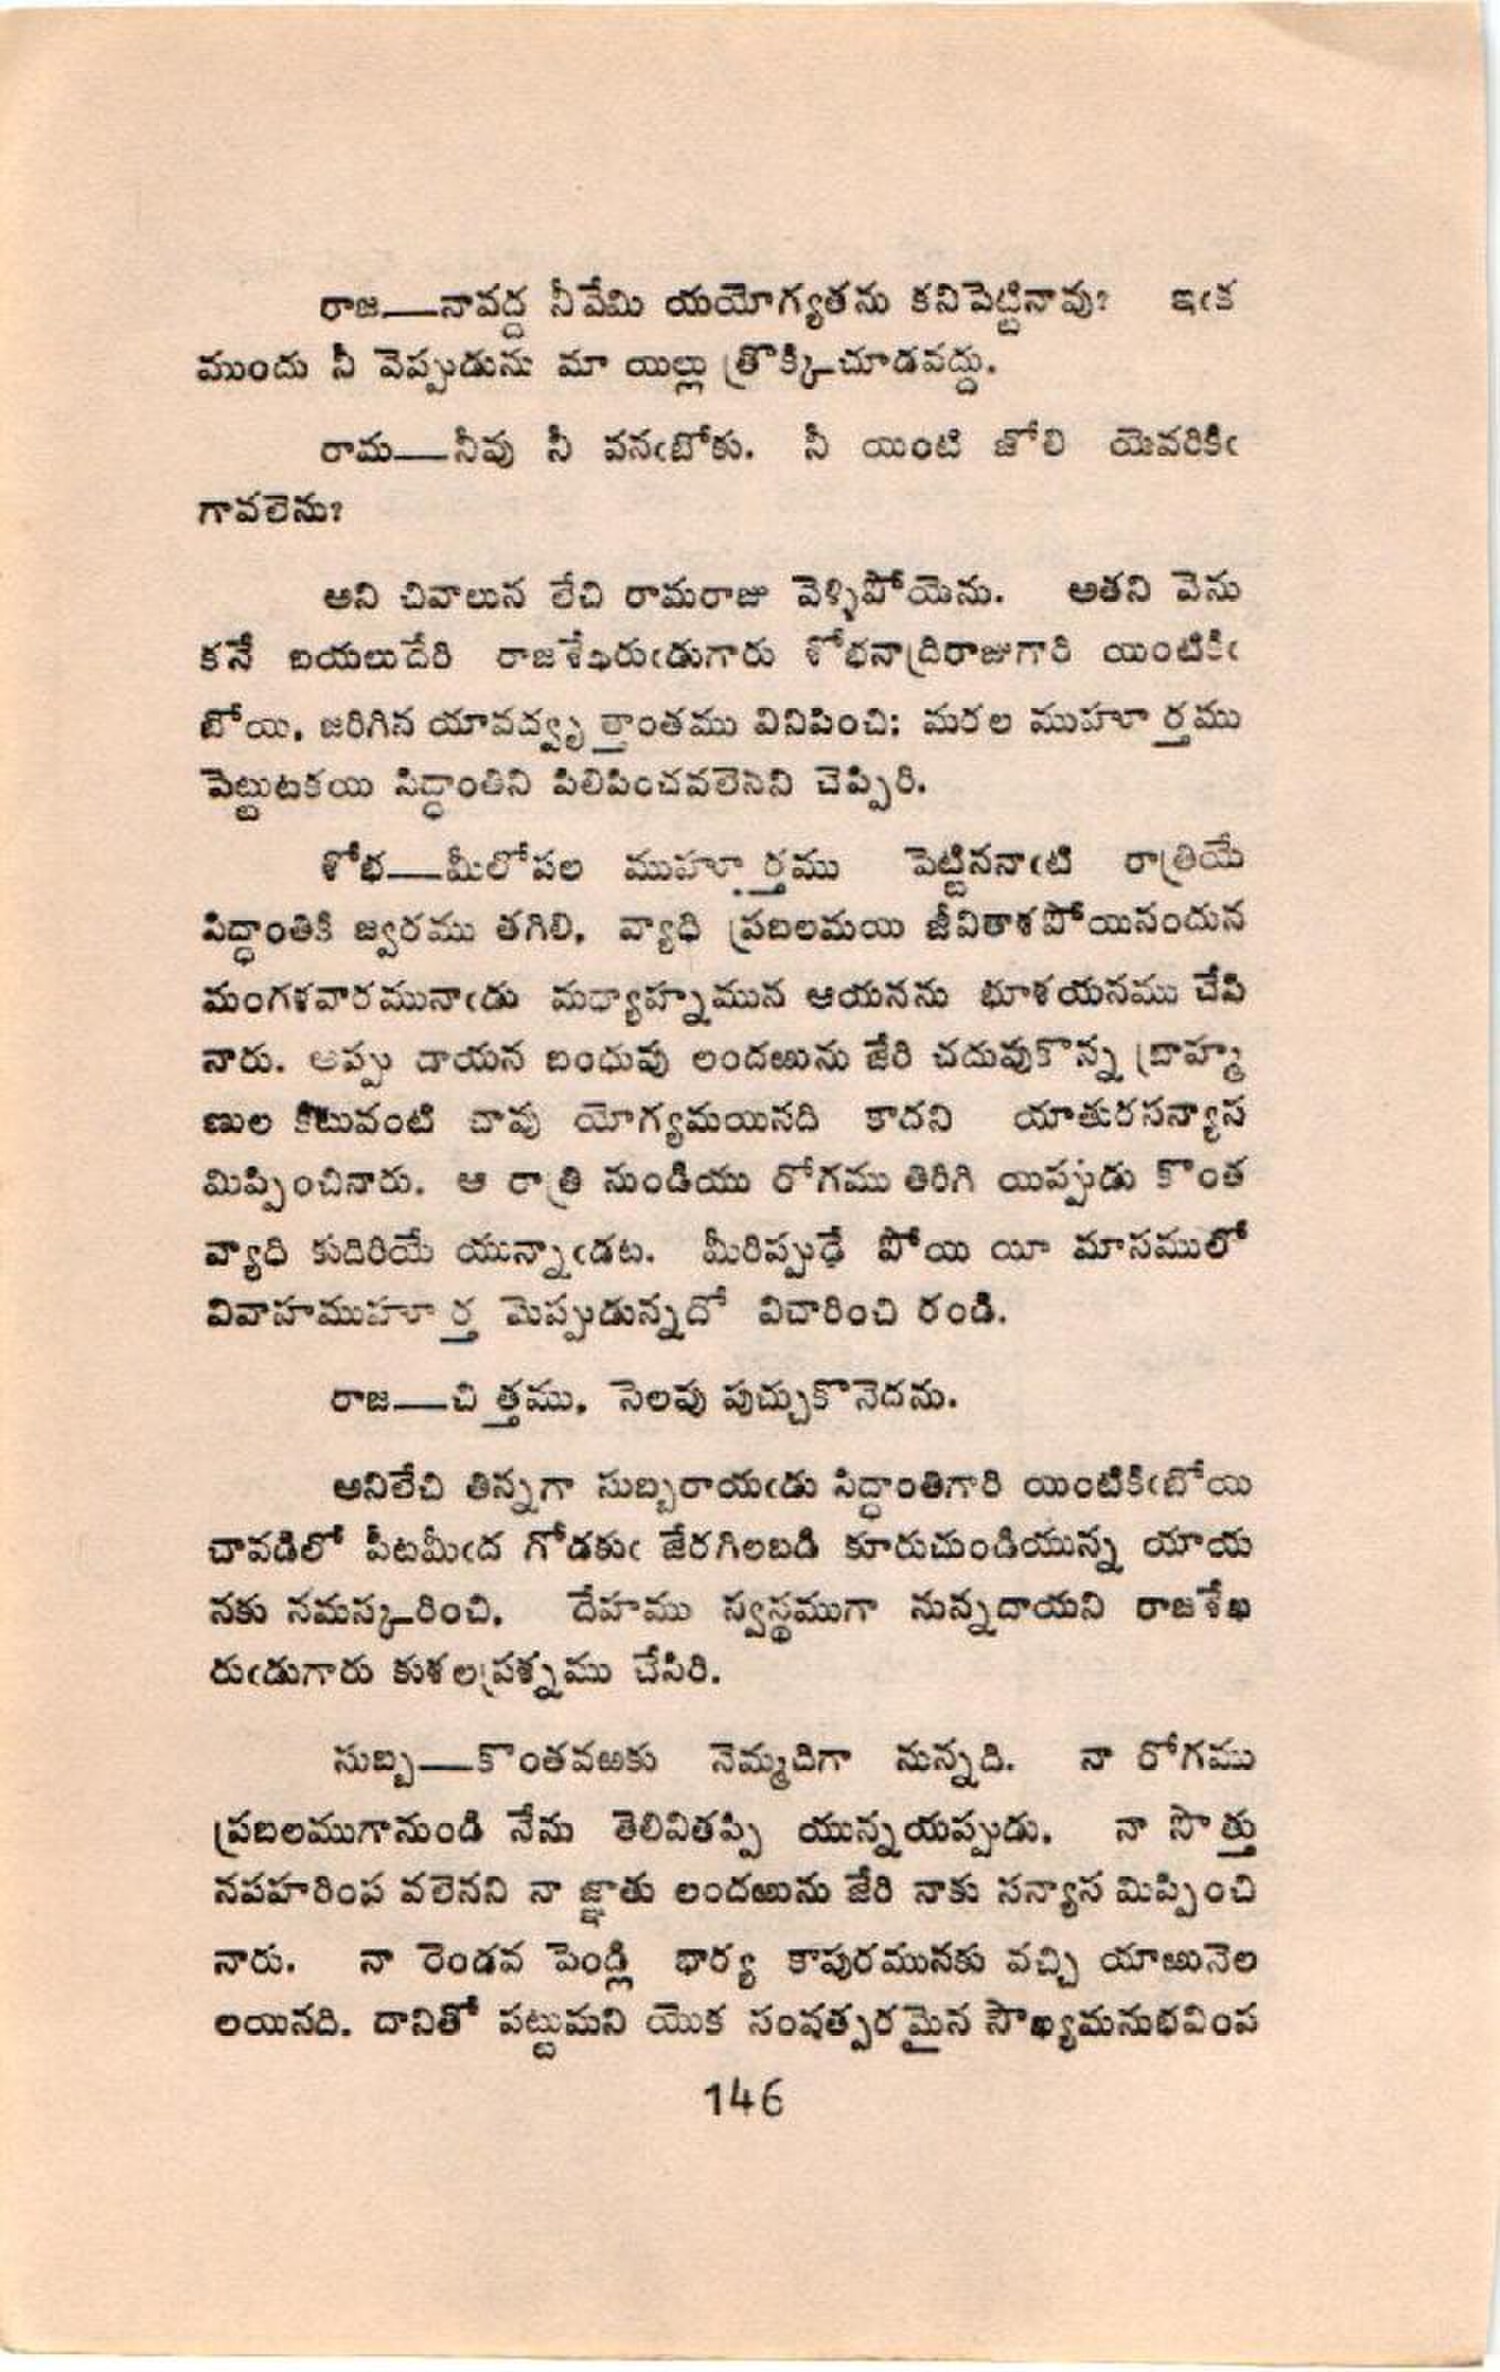రాజ__నావద్ద నీవేమి యయోగ్యతను కనిపెట్టినావు? ఇక ముందు నీ వెప్పుడును మా యిల్లు త్రొక్కిచూడవద్దు.

రామ__నీవు నీ వనఁబోకు. నీ యింటి జోలి యెవరికిఁ గావలెను?

అని చివాలున లేచి రామరాజు వెళ్ళిపోయెను. అతని వెను కనే బయలుదేరి రాజశేఖరుడుగారు శోభనాద్రిరాజుగారి యింటికి బోయి, జరిగిన యావద్వృత్తాంతము వినిపించి; మరల ముహూర్తము పెట్టుటకయి సిద్ధాంతిని పిలిపించవలెనిని చెప్పిరి.

శోభ__మీలోపల ముహూర్తము పెట్టిననాఁటి రాత్రియే సిద్ధాంతికి జ్వరము తగిలి, వ్యాధి ప్రబలమయి జీవితాశపోయినందున మంగళవారమునాఁడు మధ్యాహ్నమున ఆయనను భూశయనము చేసి నారు. అప్పు డాయన బంధువు లందఱును జేఱి చదువుకొన్న బ్రాహ్మ ణుల కిటువంటి చావు యోగ్యమయినది కాదని యాతురసన్యాస మిప్పించినారు. ఆ రాత్రి నుండియు రోగము తిరిగి యిప్పుడు కొంత వ్యాధి కుదిరియే యున్నాడట. మీరిప్పడే పోయి యీ మాసములో వివాహముహూర్త మెప్పుడున్నదో విచారించి రండి.

రాజ__చి త్తము, సెలవు పుచ్చుకొనెదను.

అనిలేచి తిన్నగా సుబ్బరాయఁడు సిద్ధాంతిగారి యింటికిఁ బోయి చావడిలో పీటమీఁద గోడకుఁ జేరగిలబడి కూరుచుండియున్న యాయ నకు నమస్కరించి, దేహము స్వస్థముగా నున్నదాయని రాజశేఖ రుఁడుగారు కుశలప్రశ్నము చేసిరి.

సుబ్బ__కొంత వఱకు నెమ్మదిగా నున్నది. నా రోగము
ప్రబలముగానుండి నేను తెలివితప్పి యున్నయప్పుడు, నా సొత్తు
నపహరింప వలెనని నా జ్ఞాతు లందఱును జేరి నాకు సన్యాసమిప్పించి
నారు. నా రెండవ పెండ్లి భార్య కాపురమునకు వచ్చి యాఱునెల
లయినది. దానితో పట్టుమని యొక సంవత్సరమైన సౌఖ్యమనుభవింప